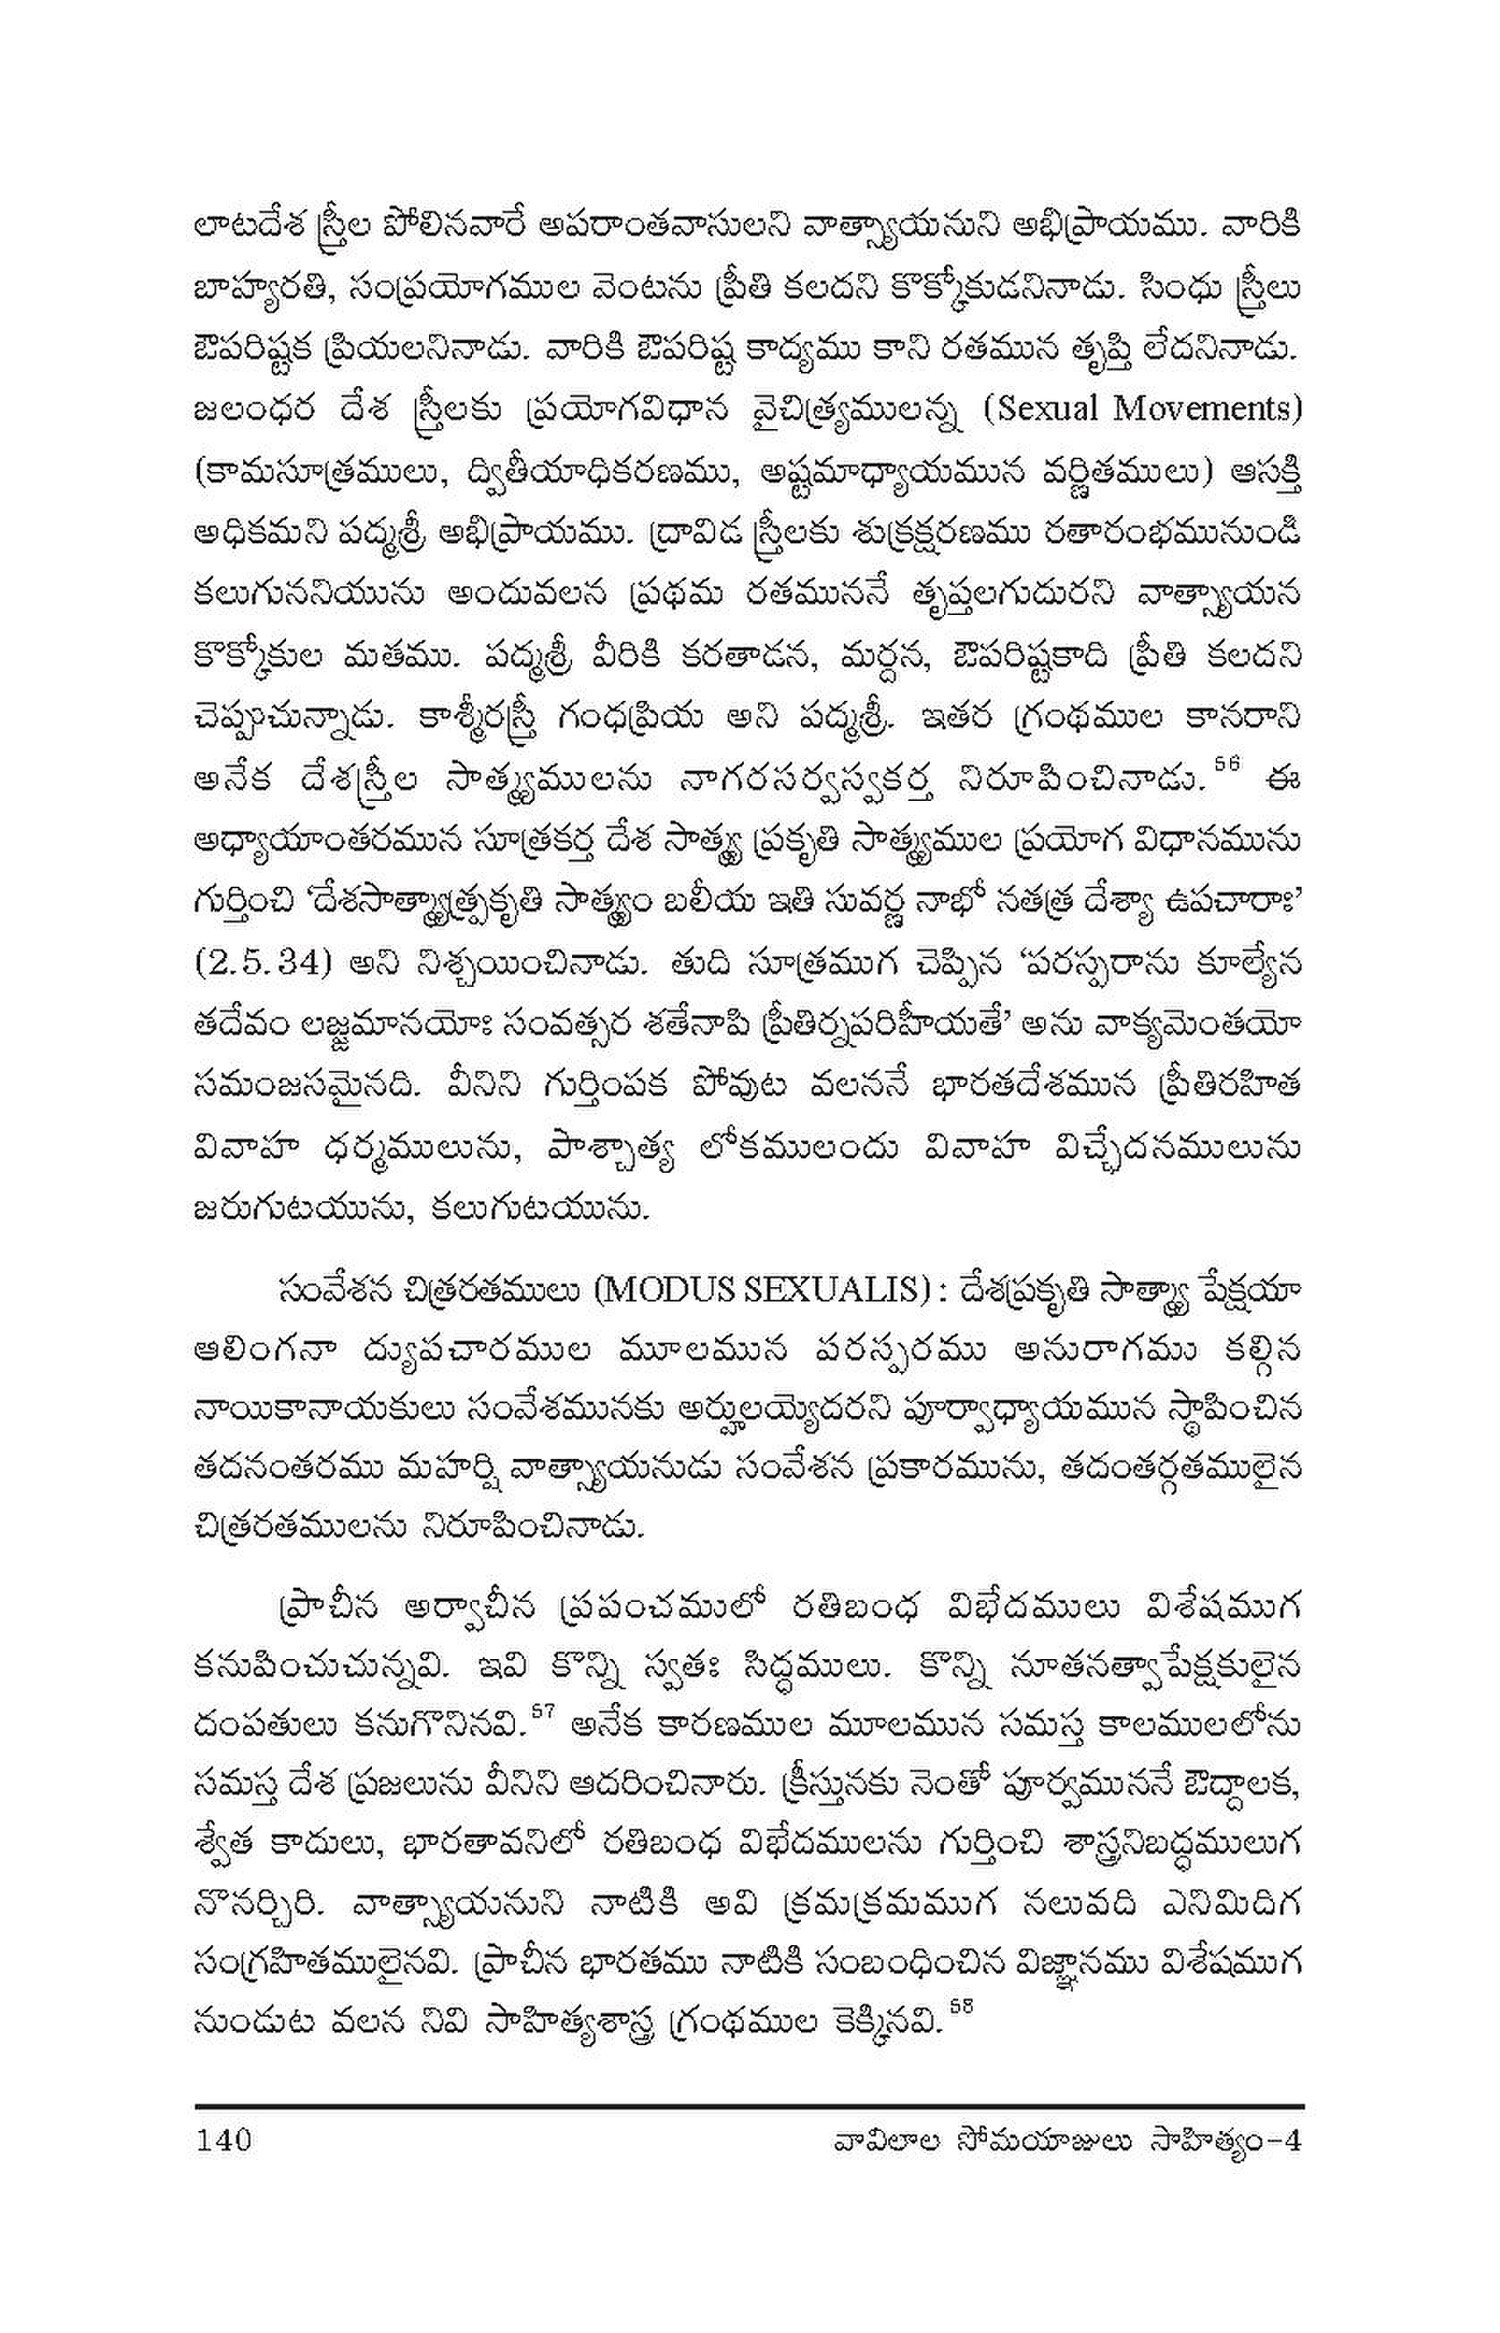లాటదేశ స్త్రీల పోలినవారే అపరాంతవాసులని వాత్స్యాయనుని అభిప్రాయము. వారికి
బాహ్యరతి, సంప్రయోగముల వెంటను ప్రీతి కలదని కొక్కోకుడనినాడు. సింధు స్త్రీలు
ఔపరిష్టక ప్రియలనినాడు. వారికి ఔపరిష్ట కాద్యము కాని రతమున తృప్తి లేదనినాడు.
జలంధర దేశ స్త్రీలకు ప్రయోగవిధాన వైచిత్య్రములన్న (Sexual Movements)
(కామసూత్రములు, ద్వితీయాధికరణము, అష్టమాధ్యాయమున వర్ణితములు) ఆసక్తి
అధికమని పద్మశ్రీ అభిప్రాయము. ద్రావిడ స్త్రీలకు శుక్రక్షరణము రతారంభమునుండి
కలుగుననియును అందువలన ప్రథమ రతముననే తృప్తలగుదురని వాత్స్యాయన
కొక్కోకుల మతము. పద్మశ్రీ వీరికి కరతాడన, మర్దన, ఔపరిష్టకాది ప్రీతి కలదని
చెప్పుచున్నాడు. కాశ్మీరస్త్రీ గంధప్రియ అని పద్మశ్రీ. ఇతర గ్రంథములు కానరాని
అనేక దేశస్త్రీల సాత్మ్యములను నాగరసర్వస్వకర్త నిరూపించినాడు. ఈ
అధ్యాయాంతరమున సూత్రకర్త దేశ సాత్మ్య ప్రకృతి సాత్యముల ప్రయోగ విధానమును
గుర్తించి 'దేశసాత్మ్యాతృకృతి సాత్మ్యం బలీయ ఇతి సువర్ణ నాభో నతత్ర దేశ్యా ఉపచారాః'
(2.5.34) అని నిశ్చయించినాడు. తుది సూత్రముగ చెప్పిన 'పరస్పరాను కూల్యేన
తదేవం లజ్జమానయోః సంవత్సర శతేనాపి ప్రీతిర్నపరిహీయతే' అను వాక్యమెంతయో
సమంజసమైనది. వీనిని గుర్తింపక పోవుట వలననే భారతదేశమున ప్రీతిరహిత
వివాహ ధర్మములును, పాశ్చాత్య లోకములందు వివాహ విచ్ఛేదనములును
జరుగుటయును, కలుగుటయును.

సంవేశన చిత్రరతములు (MODUS SEXUALIS) : దేశప్రకృతి సాత్మ్యా పేక్షయా
ఆలింగనా ద్యుపచారముల మూలమున పరస్పరము అనురాగము కల్గిన
నాయికానాయకులు సంవేశమునకు అర్హులయ్యెదరని పూర్వాధ్యాయమున స్థాపించిన
తదనంతరము మహర్షి వాత్స్యాయనుడు సంవేశన ప్రకారమును, తదంతర్గతములైన
చిత్రరతములను నిరూపించినాడు.

ప్రాచీన అర్వాచీన ప్రపంచములో రతిబంధ విభేదములు విశేషముగ
కనుపించుచున్నవి. ఇవి కొన్ని స్వతః సిద్ధములు. కొన్ని నూతనత్వాపేక్షకులైన
దంపతులు కనుగొనినవి. అనేక కారణముల మూలమున సమస్త కాలములలోను
సమస్త దేశ ప్రజలును వీనిని ఆదరించినారు. క్రీస్తునకు నెంతో పూర్వముననే ఔద్దాలక,
శ్వేత కాదులు, భారతావనిలో రతిబంధ విభేదములను గుర్తించి శాస్త్రనిబద్ధములుగ
నొనర్చిరి. వాత్స్యాయనుని నాటికి అవి క్రమక్రమముగ నలువది ఎనిమిదిగ
సంగ్రహితములైనవి. ప్రాచీన భారతము నాటికి సంబంధించిన విజ్ఞానము విశేషముగ
నుండుట వలన నివి సాహిత్యశాస్త్ర గ్రంథముల కెక్కినవి. '